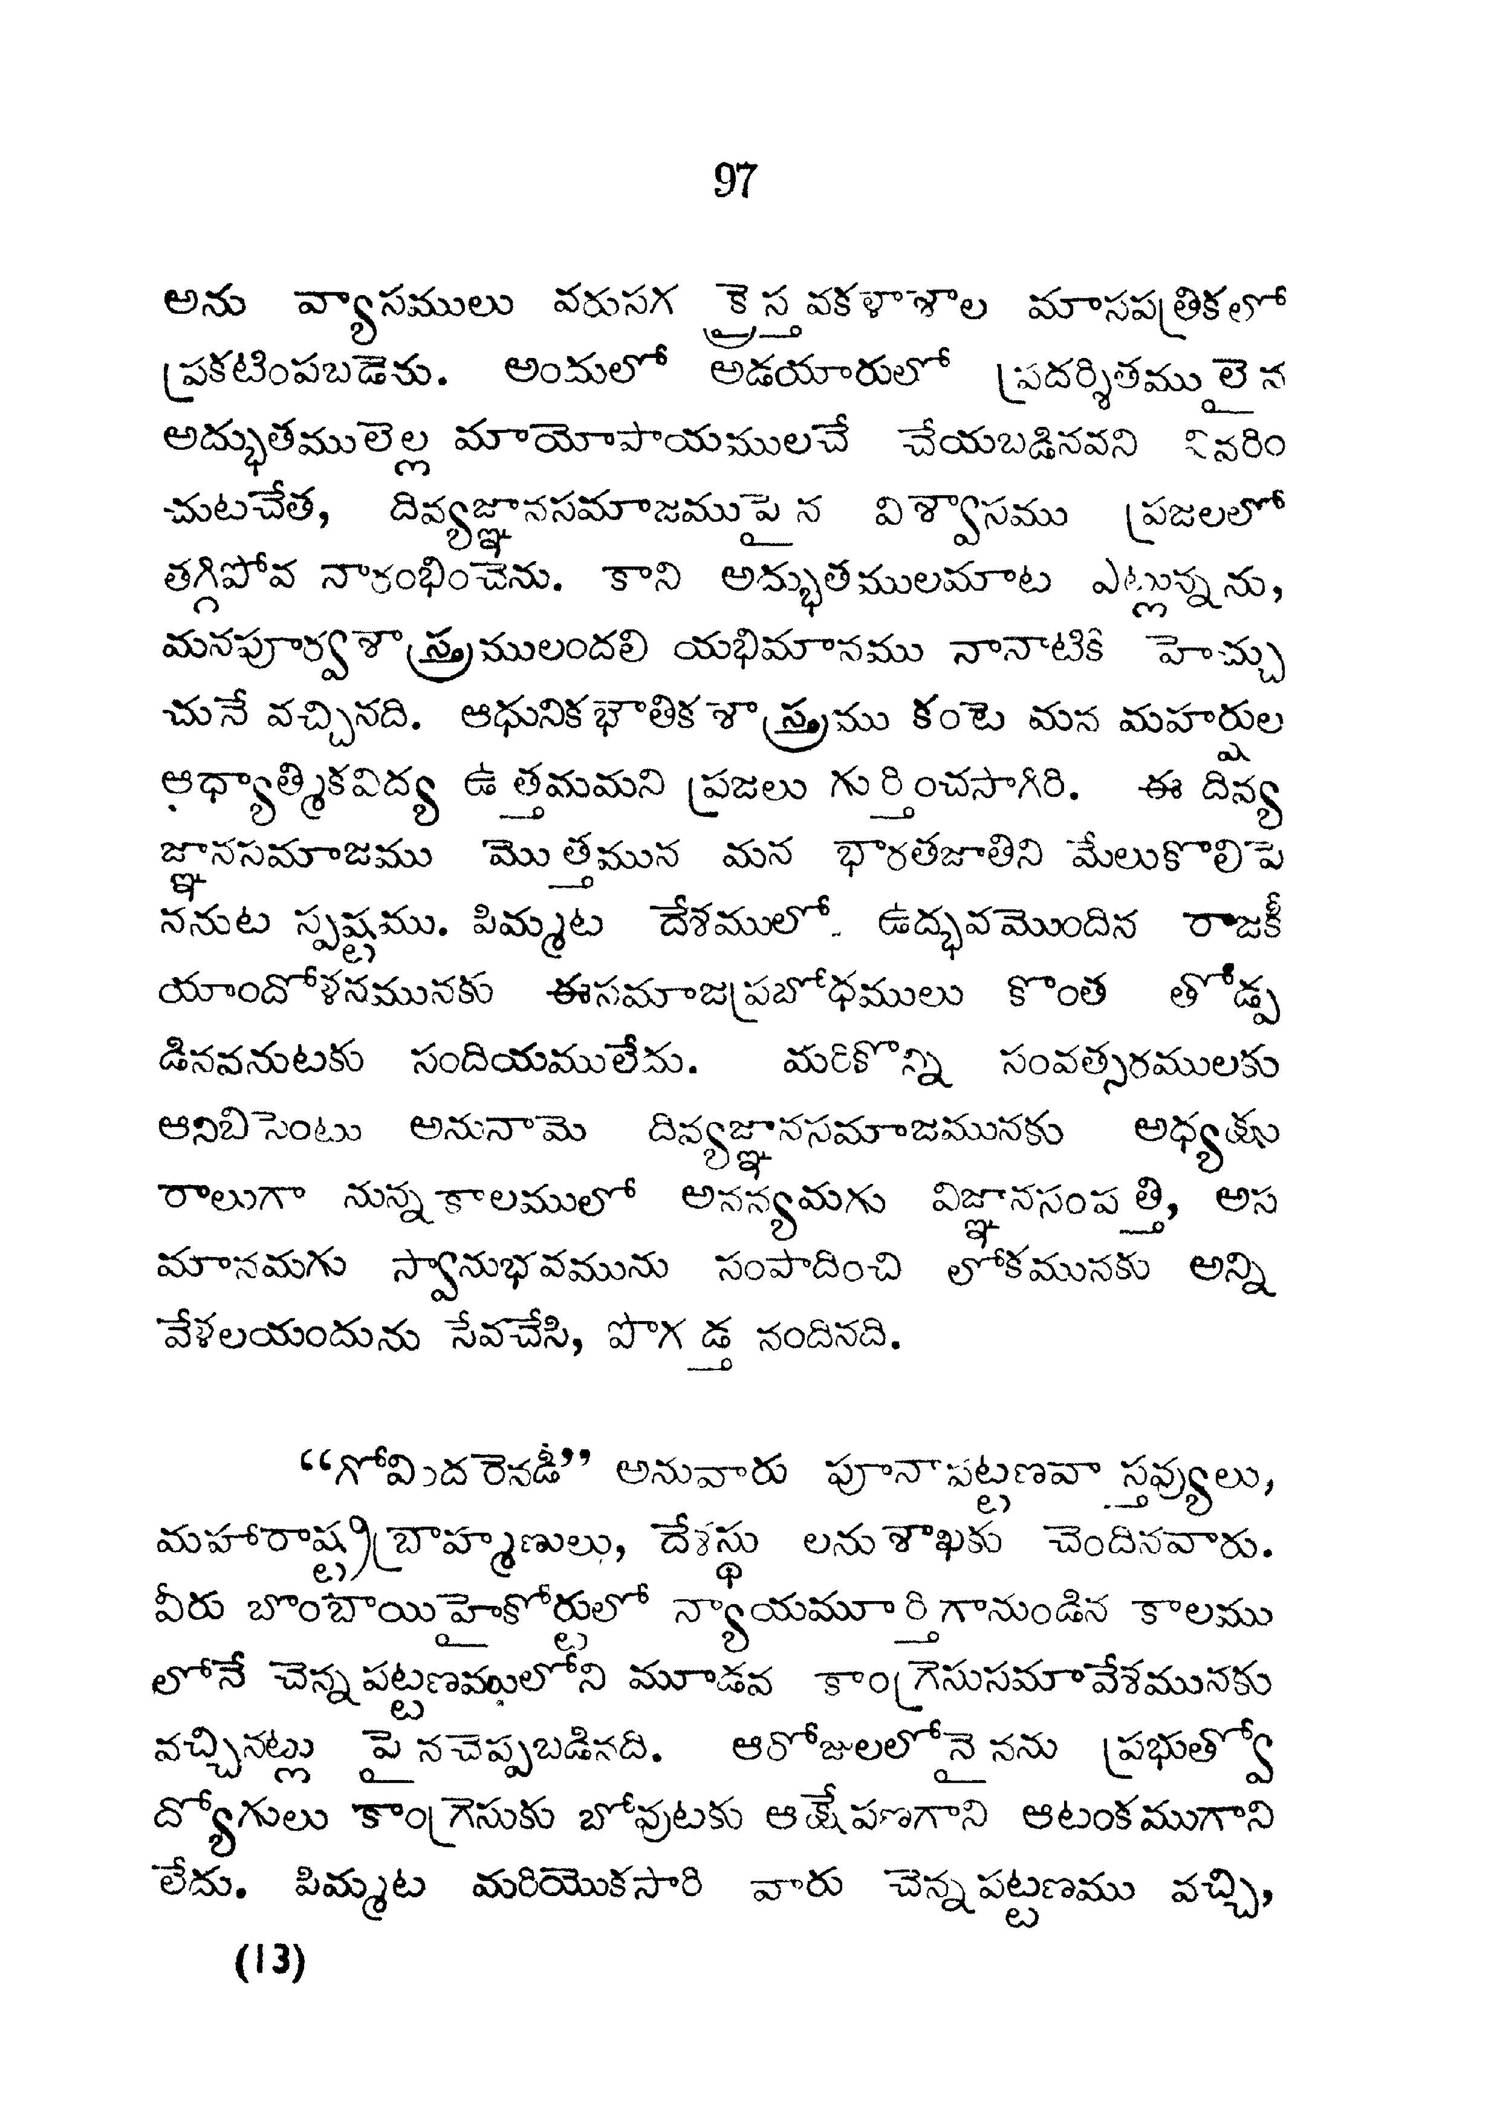అను వ్యాసములు వరుసగ క్రైస్తవకళాశాల మాసపత్రికలో ప్రకటింపబడెను. అందులో అడయారులో ప్రదర్శితములైన అద్భుతములెల్ల మాయోపాయములచే చేయబడినవని వివరించుటచేత, దివ్యజ్ఞానసమాజముపైన విశ్వాసము ప్రజలలో తగ్గిపోవ నారంభించెను. కాని అద్భుతములమాట ఎట్లున్నను, మనపూర్వశాస్త్రములందలి యభిమానము నానాటికి హెచ్చుచునే వచ్చినది. ఆధునిక భౌతిక శాస్త్రము కంటె మన మహర్షుల ఆధ్యాత్మికవిద్య ఉత్తమమని ప్రజలు గుర్తించసాగిరి. ఈ దివ్యజ్ఞానసమాజము మొత్తమున మన భారతజాతిని మేలుకొలిపె ననుట స్పష్టము. పిమ్మట దేశములో ఉద్భవమొందిన రాజకీయాందోళనమునకు ఈసమాజప్రభోధములు కొంత తోడ్పడినవనుటకు సందియములేదు. మరికొన్ని సంవత్సరములకు అనిబిసెంటు అనునామె దివ్యజ్ఞానసమాజమునకు అధ్యక్షురాలుగా నున్నకాలములో అనన్యమగు విజ్ఞానసంపత్తి, అసమానమగు స్వానుభవమును సంపాదించి లోకమునకు అన్ని వేళలయందును సేవచేసి, పొగడ్త నందినది.

"గోవిందరెవడీ" అనువారు పూనాపట్టణవాస్తవ్యులు, మహారాష్ట్రబ్రాహ్మణులు, దేశస్థు లనుశాఖకు చెందినవారు. వీరు బొంబాయిహైకోర్టులో న్యాయమూర్తిగానుండిన కాలములోనే చెన్నపట్టణములోని మూడవ కాంగ్రెసుసమావేశమునకు వచ్చినట్లు పైనచెప్పబడినది. ఆరోజులలోనైనను ప్రభుత్వోద్యోగులు కాంగ్రెసుకు బోవుటకు ఆక్షేపణగాని ఆటంకముగాని లేదు. పిమ్మట మరియొకసారి వారు చెన్నపట్టణము వచ్చి,